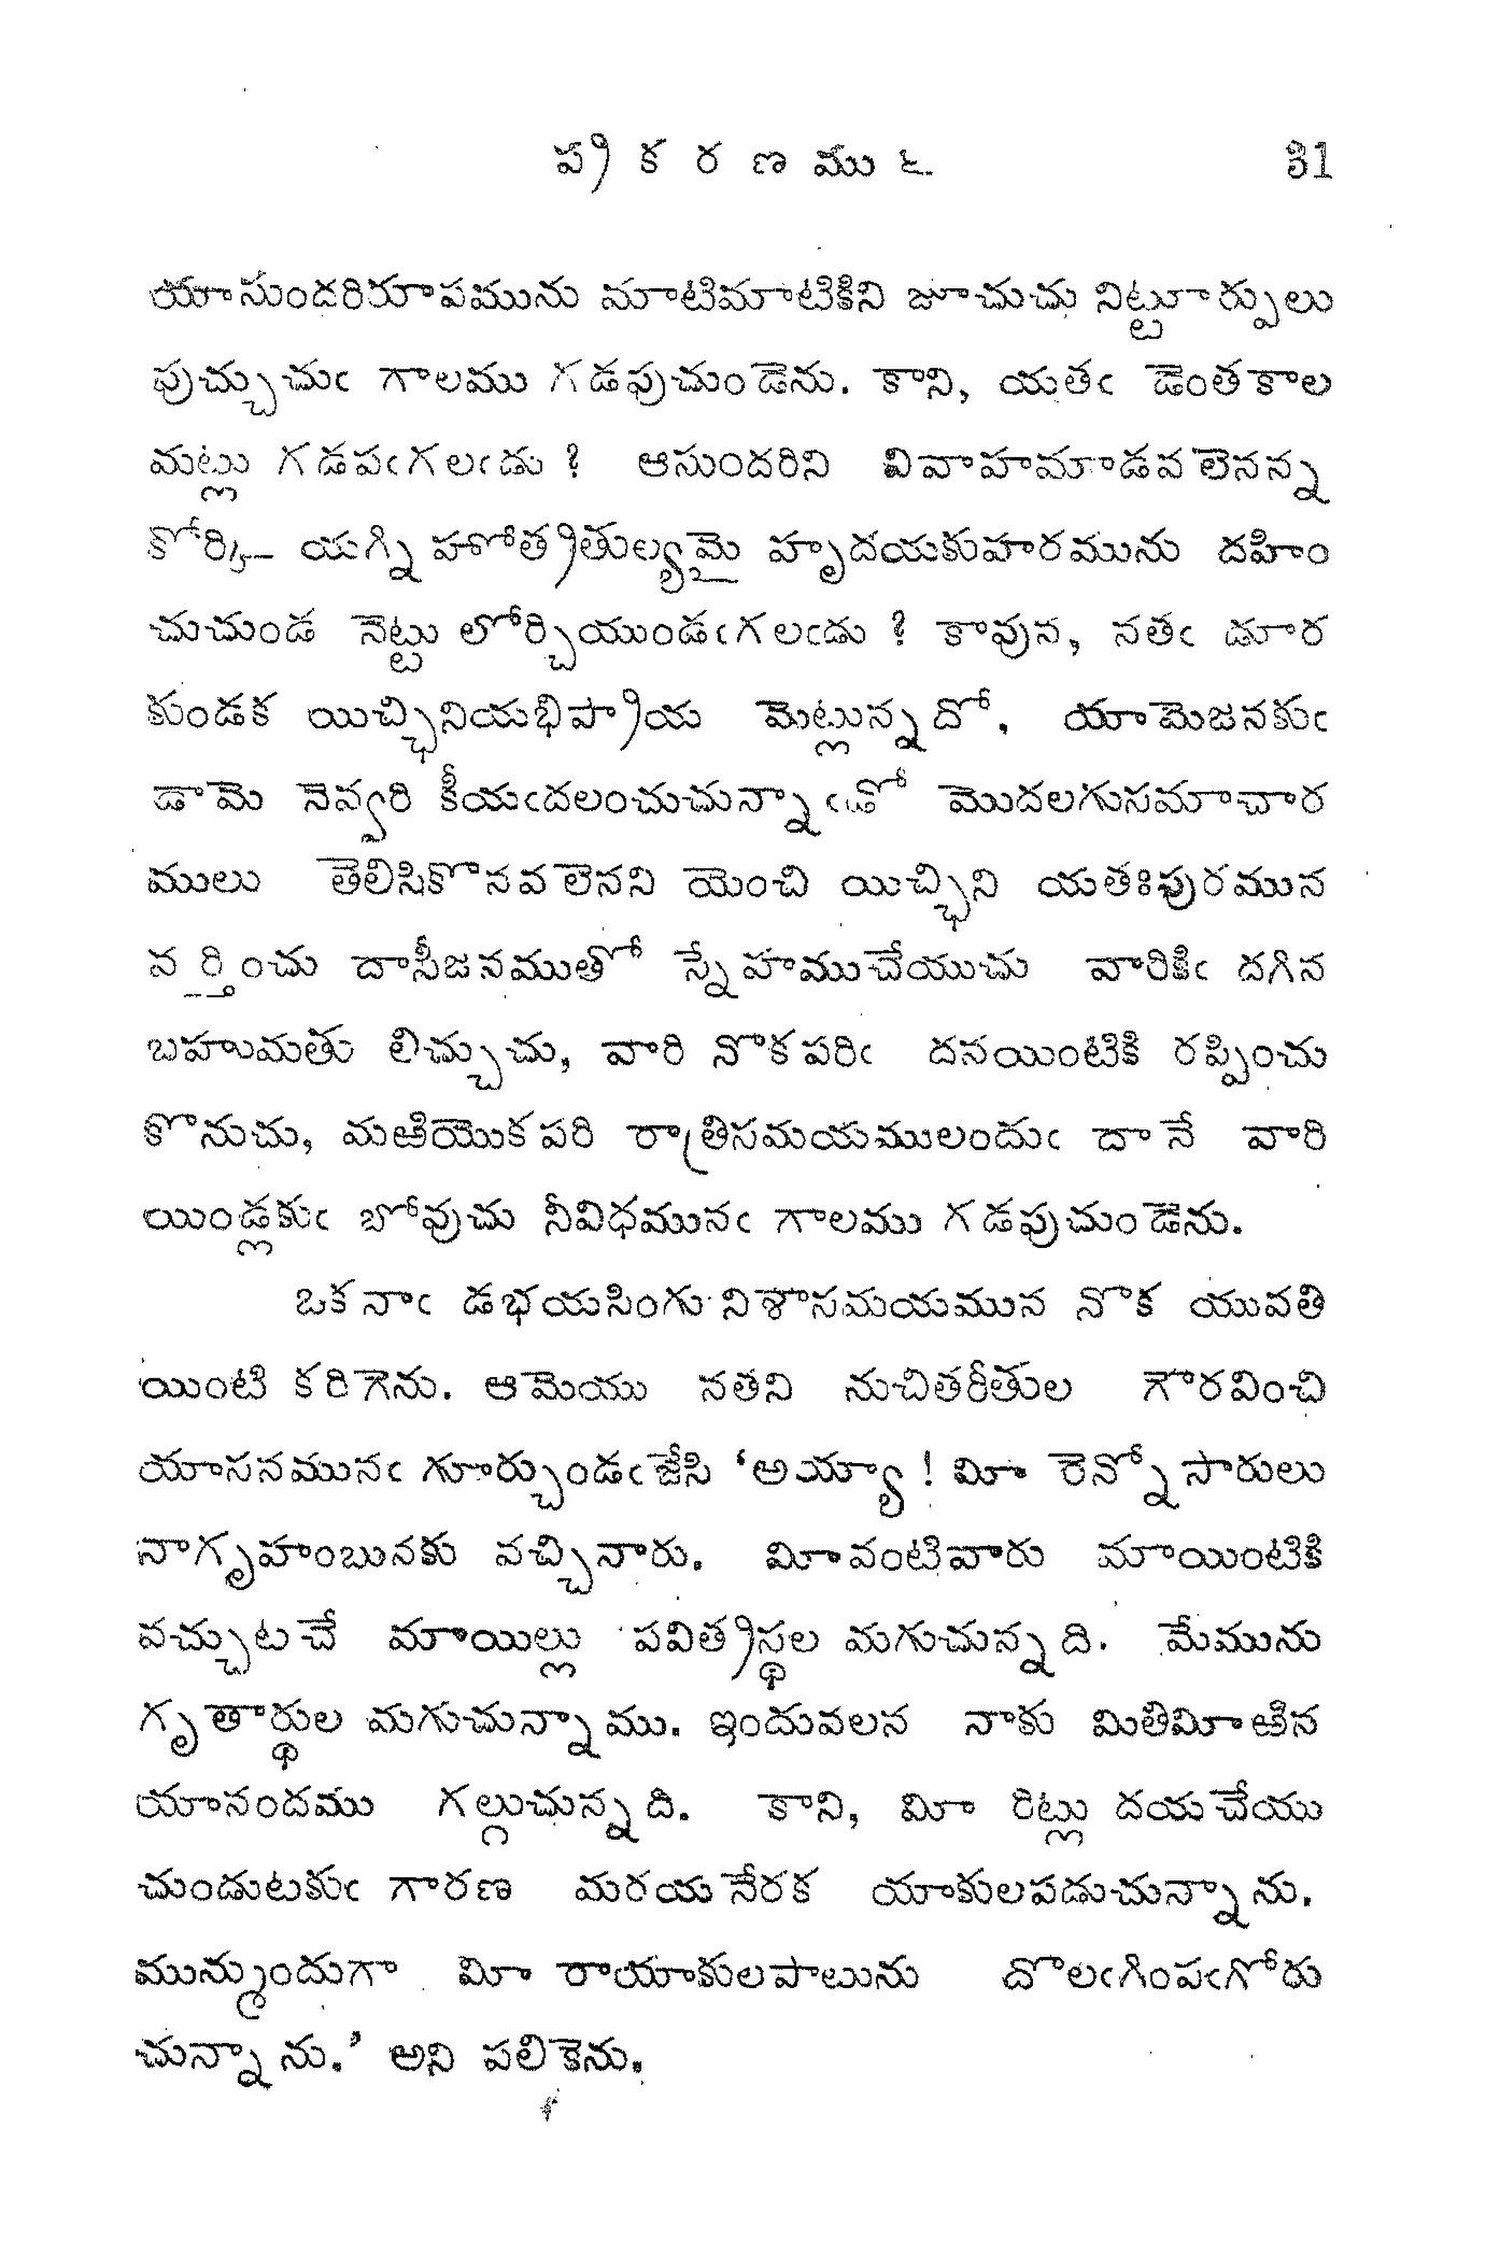యాసుందరిరూపమును మాటిమాటికిని జూచుచు నిట్టూర్పులు పుచ్చుచుఁ గాలము గడ పుచుండెను. కాని, యతఁ డెంత కాల మటు గడపఁగలడు? ఆసుందరిని వివాహమాడవలెనన్న కోరి - యగ్ని హోత్రతుల్యమై హృదయకుహరమును దహిం చుచుండ నెట్టు లోర్చియుండఁగలఁడు ? కావున, నతఁ డూర కుండక యిచ్ఛినియభిప్రాయ మెట్లున్నదో, యామెజనకుఁ డామె సెన్వరి కీయఁదలంచుచున్నాడో, మొదలగుసమాచార తెలిసికొనవ లెనని యెంచి యిచ్ఛిని యతఃపురమున నర్తించు దాసీజనముతో స్నేహము చేయుచు వారికిఁ దగిన బహుమతు లిచ్చుచు, వారి నొక పరిఁ దనయింటికి రప్పించు కొనుచు, మఱియొక పరి రారాత్రిసమయములందుఁ దానే వారి యిండ్లకుఁ బోవుచు నీవిధమునఁ గాలము గడపుచుండెను.

ఒక నాఁ డభయసింగు నిశాసమయమున నొక యువతి యింటి కరిగెను. ఆమెయు నతని నుచితరీతుల గౌరవించి యాసనమునఁ గూర్చుండఁ జేసి 'అయ్యా ! మీ రెన్నో సారులు నాగృహంబునకు వచ్చినారు. మీవంటివారు మాయింటికి నచ్చుటచే మాయిల్లు 'పవిత్రస్థల మగుచున్నది. మేమును గృతార్థుల మగుచున్నాము. ఇందువలన నాకు మితిమీరిన యానందము గల్గుచున్నది. కాని, మీరిట్లు దయ చేయు చుండుటకుఁ గారణ మరయ నేరక యాకులపడుచున్నాను, మున్ముందుగా . మీ రాయకుల పాటును దొలఁగింపఁగోరు చున్నాను, ' అని పలికెను.